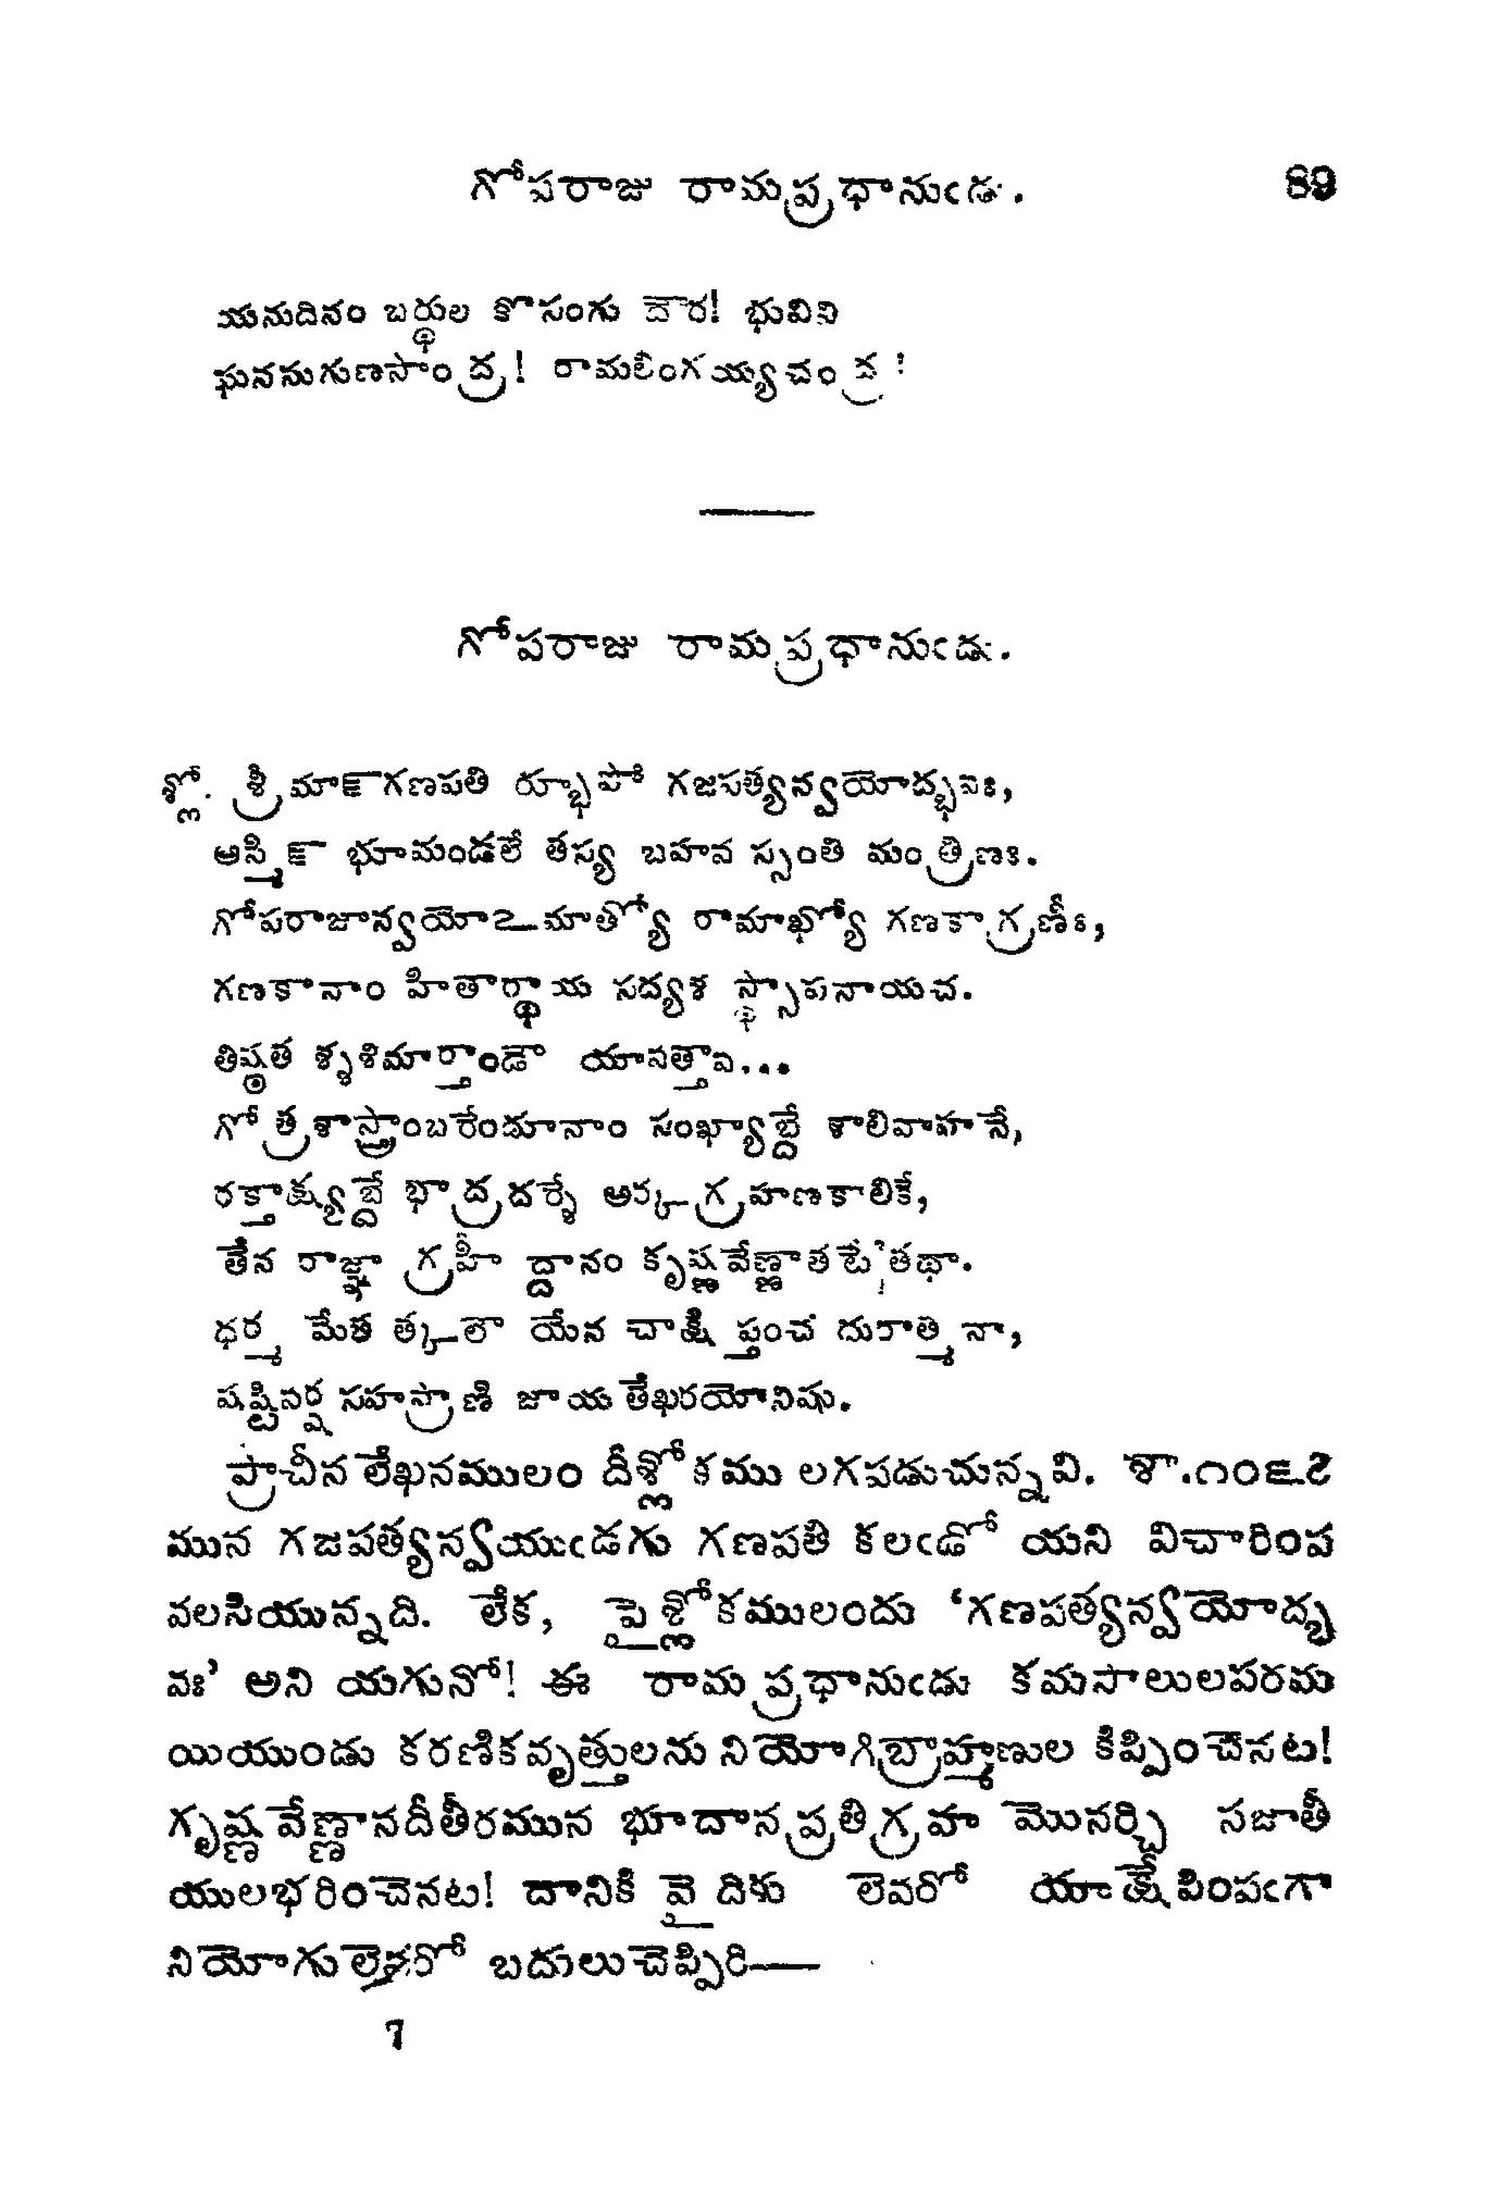యనుదినం బర్థుల కొసంగె దౌర! భువిని
 ఘనసుగుణసాంద్ర! రామలింగయ్యచంద్ర!

శ్లో. శ్రీమాన్ గణపతి ర్భూపో గజపత్యన్వయోద్భవః
 అస్మిన్ భూమండలే తస్య బహవ స్సంతి మంత్రిణః
శ్లో. గోపరాజాన్వయో౽మాత్యో రామాఖ్యో గణకాగ్రణీః
 గణకానాం హితార్థాయ సద్యశ స్స్థాపనాయచ.
శ్లో. తిష్ఠత శ్శశిమార్తాండౌ యావత్తావ......
 గోత్రశా స్త్రాంబరేందూనాం సంఖ్యాబ్దే శాలివాహనే
శ్లో. రక్తాక్ష్యబ్దే భాద్రదర్శే అర్కగ్రహణకాలికే
 తేన రాజ్ఞా గ్రహీ ద్దానం కృష్ణవేణ్ణాతటే తథా.
శ్లో. ధర్మ మేత త్కలౌ యేన చాక్షిప్తంచ దురాత్మనా
 షష్ఠివర్షసహస్రాణి జాయతేఖరయోనిషు.
ప్రాచీనలేఖనములం దీశ్లోకము లగపడుచున్నవి. శా.1067లో గజపత్యన్వయుఁడగు గణపతి కలఁడో యని విచారింపవలసియున్నది. లేక, పైశ్లోకములందు ‘గణపత్యన్వయోద్భవః’ అని యగునో! ఈరామప్రథానుఁడు కమసాలులపరమయియుండు కరణికవృత్తులను నియోగిబ్రాహ్మణుల కిప్పించెనఁట! గృష్ణవేణ్ణానదీతీరమున భూదానప్రతిగ్రహ మొనర్చి సజాతీయుల నర్థించెనఁట! దానికి వైదీకు లెవరో యాక్షేపింపఁగా నియోగు లెవరో బదులుచెప్పిరి—